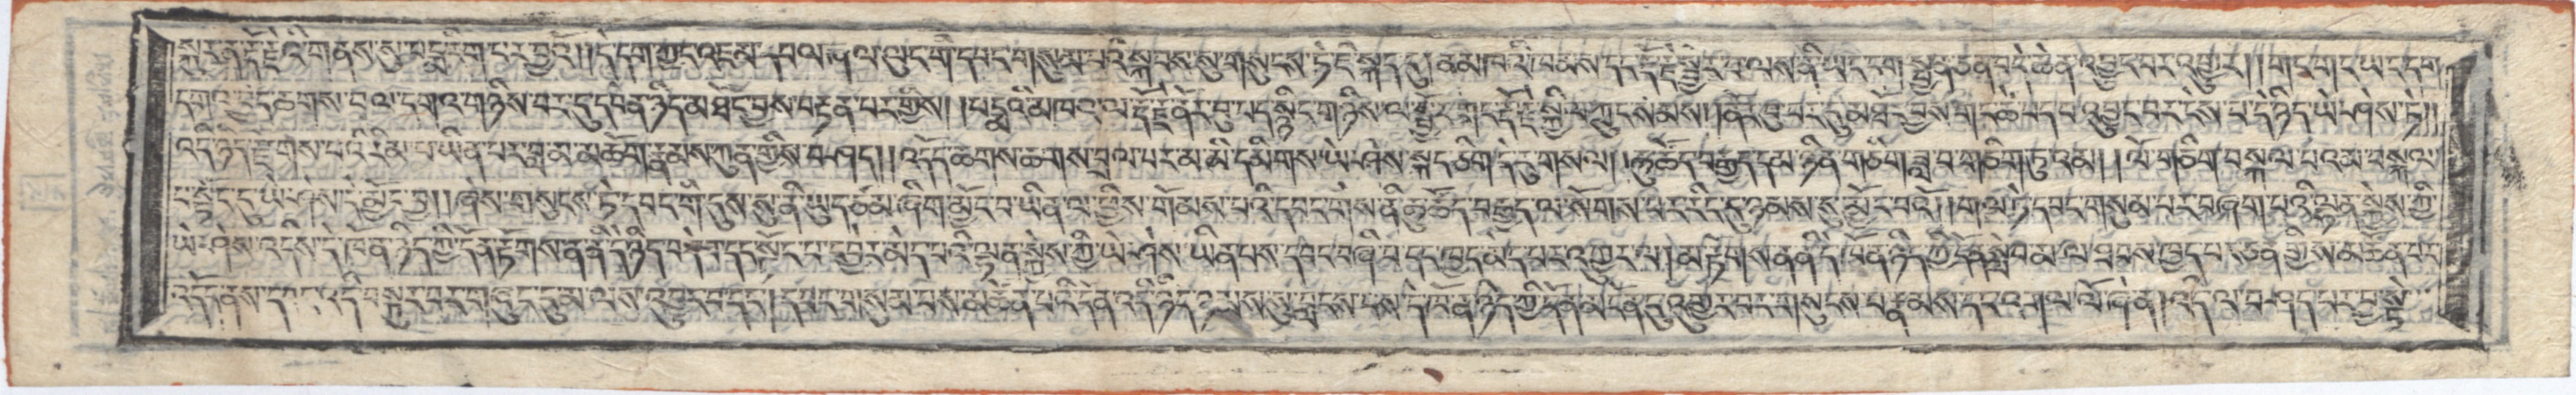སྐུར་ན་རྡོ་རྗེའི་གནས་སུ་པདམ་རིག་པར་བྱའོ། །དེ་དག་ཀྱང་འཇམ་དཔལ་ཞལ་ལུང་གི་དབང་གསུམ་པའི་སྐབས་སུ་གསུངས་ཏེ་ཇི་སྐད་དུ། ནམ་མཁའི་ཁམས་དང་རྡོ་རྗེ་སྦྱོར་བ་ལས་ནི་ཡང་དག་སྤྱན་ཅན་བདེ་ཆེན་འབྱུང་བར་འགྱུར། །གང་གང་ཡང་དག་
དགའ་བྱེད་ཆགས་བྲལ་དགའ་གཉིས་བར་དུ་དབེན་ཉིད་མཐོང་བྱས་བརྟན་པར་གྱིས། །པདམའི་མཁའ་ལ་རྡོ་རྗེ་ནོར་བུ་པད་སྙིང་གཉིས་ལ་སྦྱོར་གང་རྡོ་རྗེ་སྐྱིལ་ཀྲུང་སེམས། །ནོར་བུ་བར་དུ་མཐོང་བྱས་གང་ཚེ་བདེ་བ་འབྱུང་བར་ངེས་པ་དེ་ཉིད་ཡེ་ཤེས་ཏེ།།
འདི་ཉིད་རྫོགས་པའི་རིམ་པ་ཡིན་པར་བླ་མ་མཆོག་རྣམས་ཀུན་གྱིས་བཤད། །འདོད་ཆགས་ཆགས་བྲལ་པར་མ་མི་དམིགས་ཡེ་ཤེས་སྐད་ཅིག་དེ་རུ་གསལ། །ཆུ་ཚོད་བརྒྱད་དམ་ཉིན་གཅིག་ཟླ་བ་གཅིག་ཏུ་འམ། །ལོ་གཅིག་བསྐལ་པའམ་བསྐལ་
པ་སྟོང་དུ་ཡེ་ཤེས་དེ་མྱོང་བྱ། །ཞེས་གསུངས་ཏེ་དབང་གི་དུས་སུ་ནི་ཡུད་ཙམ་ཞིག་མྱོང་བ་ཡིན་ལ་ཕྱིས་གོམས་པའི་དབང་གིས་ནི་ཆུ་ཚོད་བརྒྱད་ལ་སོགས་པར་རིང་དུ་ཉམས་སུ་མྱོང་བའོ། །གལ་ཏེ་དབང་གསུམ་པར་བཞག་པའི་ལྷན་སྐྱེས་ཀྱི་
ཡེ་ཤེས་འདིས་དེ་ཁོ་ན་ཉིད་ཀྱི་དོན་རྟོགས་ན་ནི་དེ་ཉིད་བདེ་བ་དང་སྟོང་པ་དབྱེར་མེད་པའི་ལྷན་སྐྱེས་ཀྱི་ཡེ་ཤེས་ཡིན་པས་དབང་བཞི་པ་དང་ཁྱད་མེད་པར་འགྱུར་ལ། མ་རྟོགས་ན་ནི་དེ་ཁོ་ན་ཉིད་ཀྱི་དོན་སློབ་མ་ལ་ཐབས་ཁྱད་པར་ཅན་གྱིས་མཚོན་པར་
འདོད་ནས་དབང་འདི་བསྐུར་བར་གཞུང་དུ་མ་ལས་འབྱུང་བ་དང་། དབང་གསུམ་པས་མཚོན་པའི་དོན་འདི་ཉིད་ཉམས་སུ་བླངས་པས་དེ་ཁོ་ན་ཉིད་ཀྱི་དོན་མངོན་དུ་འགྱུར་བར་གསུངས་པ་རྣམས་དང་འགལ་ལོ་ཞེ་ན། འདི་ལ་བཤད་པར་བྱ་སྟེ་